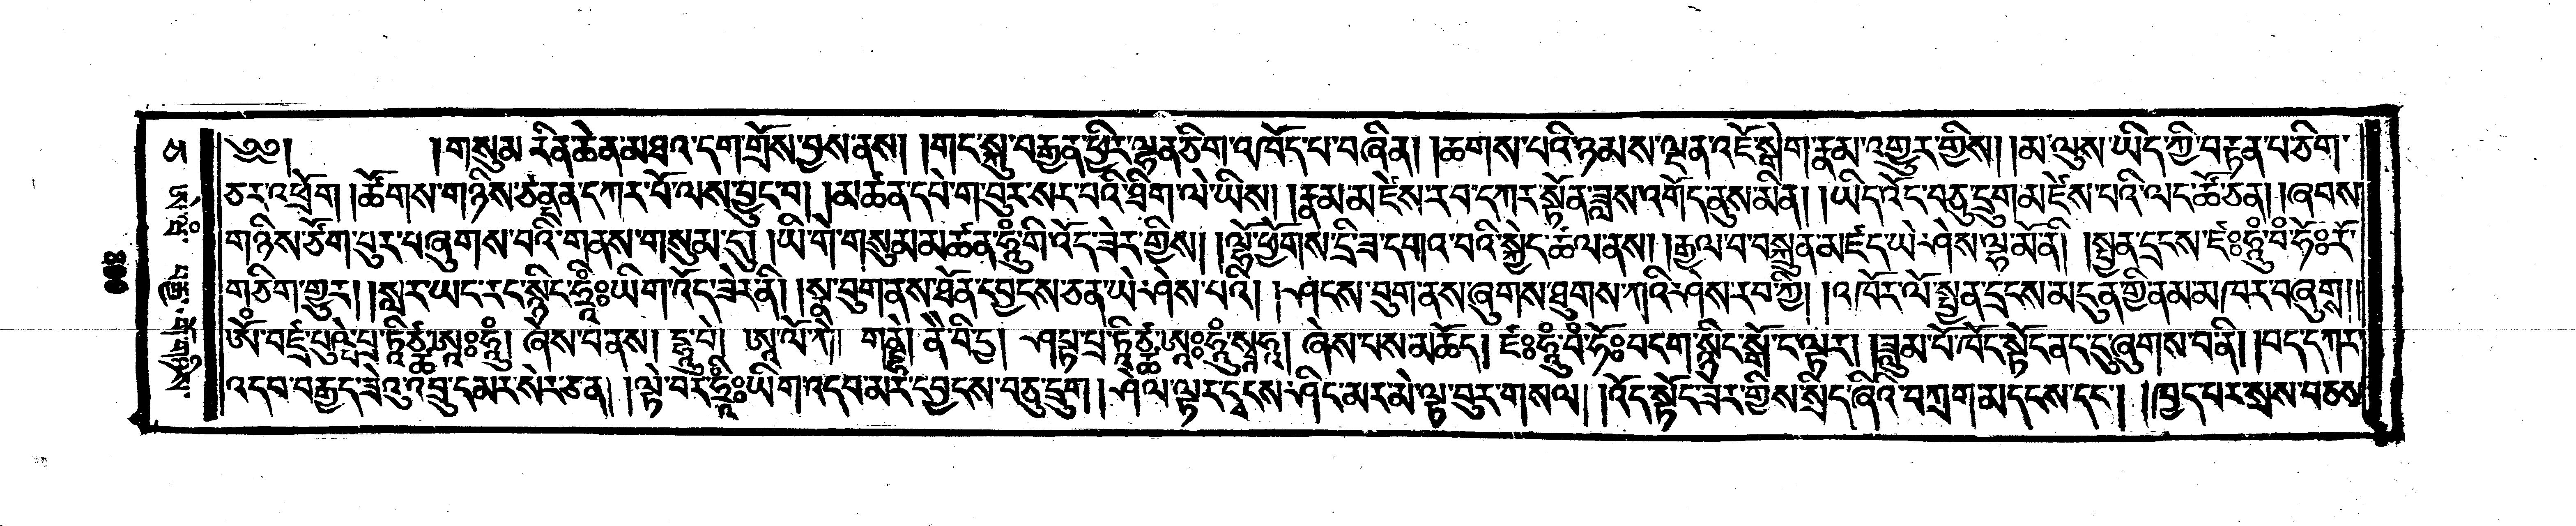༄༅། །གསུམ་རིན་ཆེན་མཐའ་དག་གྲོས་བྱས་ནས། །གང་སྐུ་བརྒྱན་ཕྱིར་ལྷན་ཅིག་འཁོད་པ་བཞིན། །ཆགས་པའི་ཉམས་ལྡན་འཇོ་སྒེག་རྣམ་འགྱུར་གྱིས། །མ་ལུས་ཡིད་ཀྱི་བརྟན་པ་ཅིག་
ཅར་འཕྲོག །ཚོགས་གཉིས་ཙནྡན་དཀར་པོ་ལས་བྱུང་བ། །མཚན་དཔེ་ག་བུར་སར་པའི་ཐིག་ལེ་ཡིས། །རྣམ་མཛེས་རབ་དཀར་སྟོན་ཟླས་འགོད་ནུས་མིན། །ཡིད་འོང་བཅུ་དྲུག་མཛེས་པའི་ལང་ཚོ་ཅན། །ཞབས་
གཉིས་ཙོག་པུར་བཞུགས་པའི་གནས་གསུམ་དུ། །ཡི་གེ་གསུམ་མཚན་ཧཱུཾ་གི་འོད་ཟེར་གྱིས། །ལྷོ་ཕྱོགས་དྲི་ཟ་དགའ་བའི་སྐྱེད་ཚལ་ནས། །རྒྱལ་བ་བསྐྲུན་མཛད་ཡེ་ཤེས་ལྷ་མོ་ནི། །སྤྱན་དྲངས་ཛཿ ཧཱུཾ་བཾ་ཧོཿ རོ་
གཅིག་གྱུར། །སླར་ཡང་རང་སྙིང་ཧྲཱིཾཿ ཡིག་འོད་ཟེར་ནི། །སྣ་བུག་ནས་ཐོན་དབྱངས་ཅན་ཡེ་ཤེས་པའི། །ཤངས་བུག་ནས་ཞུགས་ཐུགས་ཀའི་ཤེས་རབ་ཀྱི། །འཁོར་ལོ་སྤྱན་དྲངས་མདུན་གྱི་ནམ་མཁར་བཞུགས།།
ཨོཾ་བཛྲ་པུཥྤེ་པྲ་ཏཱི་ཙྪ་ཨཱཿ ཧཱུཾ། ཞེས་པ་ནས། དྷཱུ་པེ། ཨཱ་ལོ་ཀེ། གནྡྷེ། ནཻ་བི་དྱ། ཤཔྟ་པྲ་ཏཱི་ཙྪ་ཨཱཿ ཧཱུཾ་སྭཱཧཱ། ཞེས་པས་མཆོད། ཛཿ ཧཱུཾ་བཾ་ཧོཿ བདག་སྙིང་སྒོ་ང་ལྟར། །ཟླུམ་པོ་ཁོང་སྟོང་ནང་དུ་ཞུགས་པ་ནི། །པད་དཀར་
འདབ་བརྒྱད་ཟེའུ་འབྲུ་དམར་སེར་ཅན། །ལྟེ་བར་ཧྲཱིཾཿ ཡིག་འདབ་མར་དབྱངས་བཅུ་དྲུག །ཤེལ་ལྟར་དྭངས་ཤིང་མར་མེ་ལྟ་བུར་གསལ། །འོད་སྟོང་ཟེར་གྱིས་སྲིད་ཞིའི་བཀྲག་མདངས་དང་། །ཁྱད་པར་སྲས་བཅས་